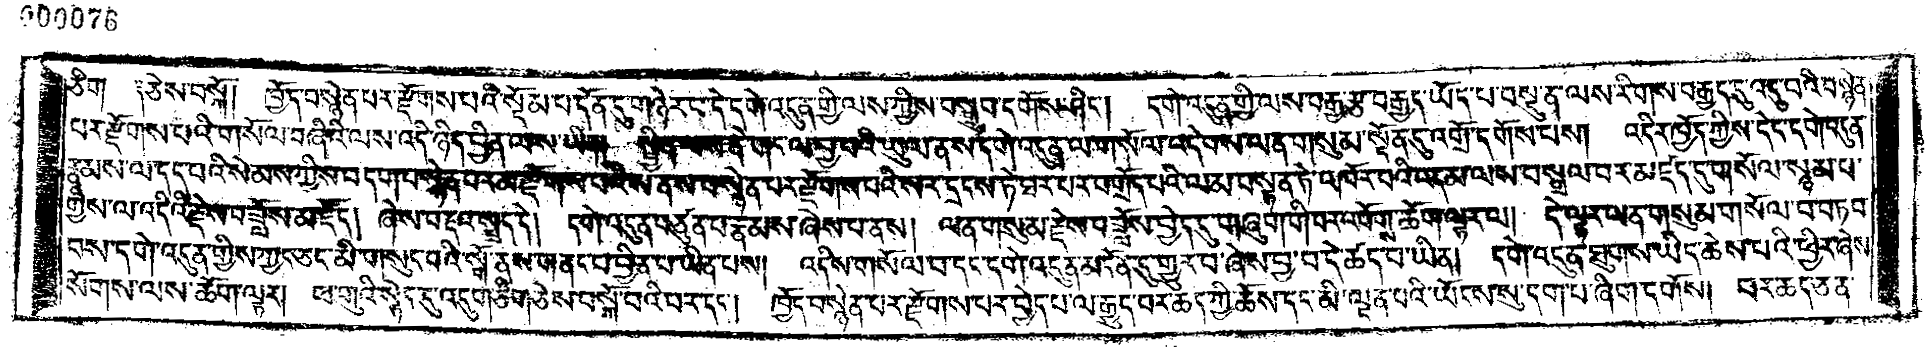ཅིག ༑ཅེས་བསྐོ། ཁྱོད་བསྙེན་པར་རྫོགས་པའི་སྡོམ་པ་དོན་དུ་གཉེར་བ་དེ་དགེ་འདུན་གྱི་ལས་ཀྱིས་བསྒྲུབ་དགོས་ཤིང་། དགེ་འདུན་གྱི་ལས་བརྒྱ་རྩ་བརྒྱད་ཡོད་པ་བསྡུ་ན་ལས་རིགས་བརྒྱད་དུ་འདུ་བའི་བསྙེན་
པར་རྫོགས་པའི་གསོལ་བཞིའི་ལས་འདི་ཉིད་བྱིན་ལས་ཡིན། སྦྱིན་ལས་ནི་གང་ལ་བྱ་བའི་ཡུལ་ནས་དགེ་འདུན་ལ་གསོལ་འདེབས་ལན་གསུམ་སྔོན་དུ་འགྲོ་དགོས་པས། འདིར་ཁྱོད་ཀྱིས་དེང་དགེ་འདུན་
རྣམས་ལ་དད་པའི་སེམས་ཀྱིས་བདག་བསྙེན་པར་མ་རྫོགས་པའི་ས་ནས་བསྙེན་པར་རྫོགས་པའི་སར་དྲངས་ཏེ་ཐར་པར་བགྲོད་པའི་ལམ་བསྟན་ཏེ་འཁོར་བའི་འདམ་ལས་བསྒྲལ་བར་མཛད་དུ་གསོལ་སྙམ་པ་
གྱིས་ལ་འདིའི་རྗེས་བཟློས་མཛོད། ཞེས་བརྡའ་སྤྲད་དེ། དགེ་འདུན་བཙུན་པ་རྣམས་ཞེས་པ་ནས། ལན་གསུམ་རྗེས་བཟློས་བྱེད་དུ་གཞུག་གི་བར་འབོགས་ཆོག་ལྟར་ལ། དེ་ལྟར་ལན་གསུམ་གསོལ་བ་བཏབ་
བས་དགེ་འདུན་གྱིས་ཀྱང་ཅང་མི་གསུང་བའི་སྒོ་ནས་གནང་བ་བྱིན་པ་ཡིན་པས། འདིས་གསོལ་བ་དང་དགེ་འདུན་མངོན་དུ་གྱུར་བ་ཞེས་བྱ་བ་དེ་ཚད་བ་ཡིན། དགེ་འདུན་ཐུགས་ཡིད་ཆེས་པའི་ཕྱིར་ཞེས་
སོགས་ལས་ཆོག་ལྟར། ཕ་གུའི་སྟེང་དུ་འདུག་ཅིག་ཅེས་བསྐོ་བའི་བར་དང་། ཁྱོད་བསྙེན་པར་རྫོགས་པར་བྱེད་པ་ལ་རྒྱུད་བར་ཆད་ཀྱི་ཆོས་དང་མི་ལྡན་པའི་ཡོངས་སུ་དག་པ་ཞིག་དགོས། བར་ཆད་ཅན་